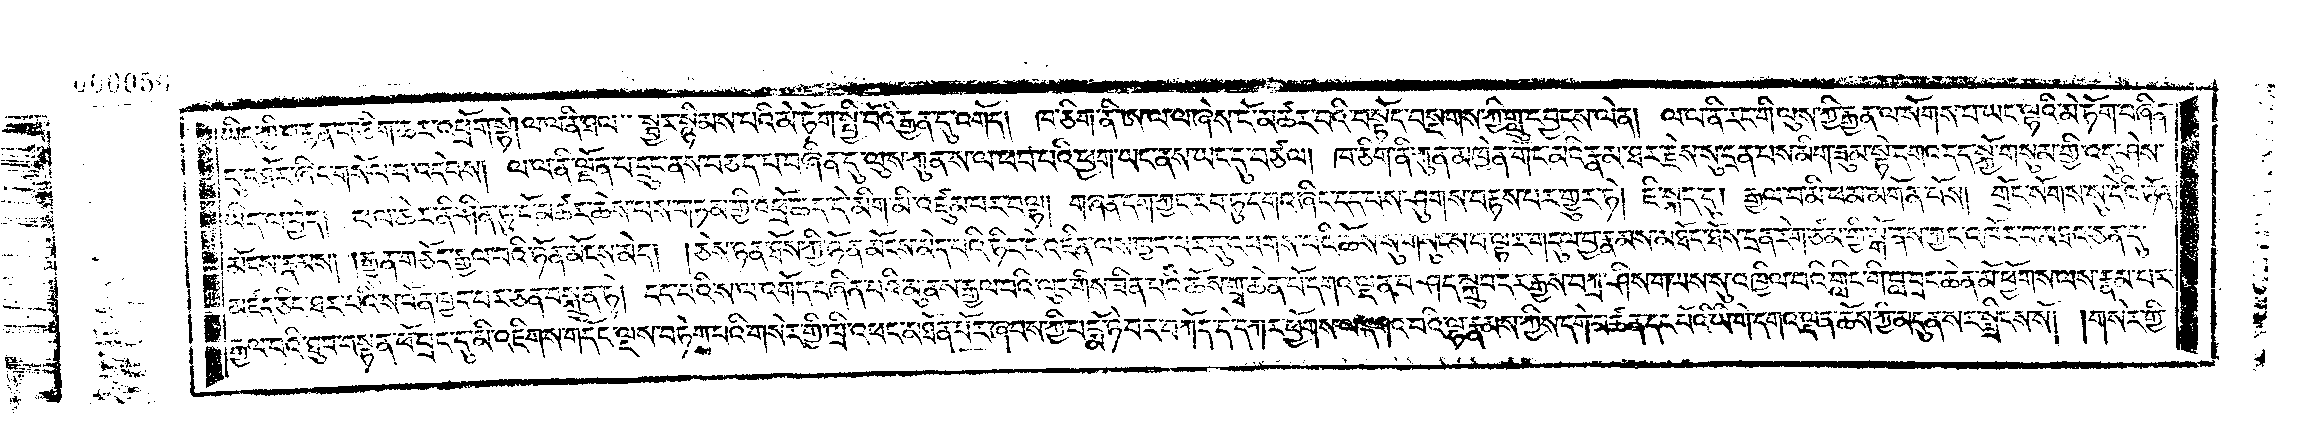ཡིད་ཀྱི་བརྟན་པ་ཅིག་ཆར་འཕྲོག་སྟེ། ལ་ལ་ནི་ཐལ་སྦྱར་སྙིམས་པའི་མེ་ཏོག་སྤྱི་བོའི་རྒྱན་དུ་འགོད། ཁ་ཅིག་ནི་ཨ་ལ་ལ་ཞེས་ངོ་མཚར་བའི་བསྟོད་བསྔགས་ཀྱི་གླུ་དབྱངས་ལེན། ལ་ལ་ནི་རང་གི་ལུས་ཀྱི་རྒྱན་ལ་སོགས་པ་ཡང་ལྷའི་མེ་ཏོག་བཞིན་
དུ་འཐོར་ཞིང་གསོལ་བ་འདེབས། ལ་ལ་ནི་ལྗོན་པ་དྲུང་ནས་བཅད་པ་བཞིན་དུ་ལུས་ཀུན་ས་ལ་ཕབ་པའི་ཕྱག་ཡང་ནས་ཡང་དུ་བཙལ། ཁ་ཅིག་ནི་ཀུན་མཁྱེན་གོང་མའི་རྣམ་ཐར་རྗེས་སུ་དྲན་པས་མིག་ཟུམ་སྟེ་དགའ་དད་སྐྱོ་གསུམ་གྱི་འདུ་ཤེས་
ཡིད་ལ་བྱེད། ཕལ་ཆེར་ནི་ཤིན་ཏུ་ངོ་མཚར་ཆེས་པས་གཏམ་གྱི་འཕྲོ་ཆད་དེ་མིག་མི་འཛུམ་པར་བལྟ། གཞན་དག་ཀྱང་རབ་ཏུ་དགའ་ཞིང་དད་པས་ཤུགས་བརྟས་པར་གྱུར་ཏེ། ཇི་སྐད་དུ། རྒྱལ་བ་མི་ཕམ་མགོན་པོས། གྲོང་སོགས་སུ་དེའི་ཉོན་
མོངས་རྣམས། །རྒྱུན་གཅོད་རྒྱལ་བའི་ཉོན་མོངས་མེད། །ཅེས་ཉན་ཐོས་ཀྱི་ཉོན་མོངས་མེད་པའི་ཏིང་ངེ་འཛིན་ལས་ཁྱད་པར་དུ་འཕགས་པའི་ཆོས་སུ་གསུངས་བ་ལྟར་གདུལ་བྱ་རྣམས་མཐོང་ཐོས་དྲན་རེག་ཙམ་གྱི་སྒོ་ནས་ཀྱང་འཁོར་བ་མཐའ་ཅན་དུ་
མཛད་ཅིང་ཐར་པའི་ས་བོན་ཁྱད་པར་ཅན་བསྐྲུན་ཏེ། དད་བའི་ས་ལ་འགོད་བཞིན་པའི་མུ་ནས་རྒྱལ་བའི་ལུང་གིས་ཟིན་པའི་ཆོས་གྲྭ་ཆེན་པོ་དགའ་ལྡན་བཤད་སྒྲུབ་དར་རྒྱས་བཀྲ་ཤིས་གཡས་སུ་འཁྱིལ་བའི་གླིང་གི་བླ་བྲང་ཆེན་མོ་ཕྱོགས་ལས་རྣམ་པར་
རྒྱལ་བའི་ཐུབ་བསྟན་ཕོ་བྲང་དུ་མི་འཇིགས་གདོང་ལྔས་བཏེགས་པའི་གསེར་གྱི་ཁྲི་འཕང་མཐོན་པོར་ཞབས་ཀྱི་པདམོ་ཉེ་བར་བཀོད་དེ་དཀར་ཕྱོགས་ལ་དགའ་བའི་ལྷ་རྣམས་ཀྱིས་དགེ་མཚན་དང་བོའི་ཡི་གེ་དགའ་ལྡན་ཆོས་ཀྱི་མདུན་སར་སྤྲིངས་སོ། །གསེར་གྱི་